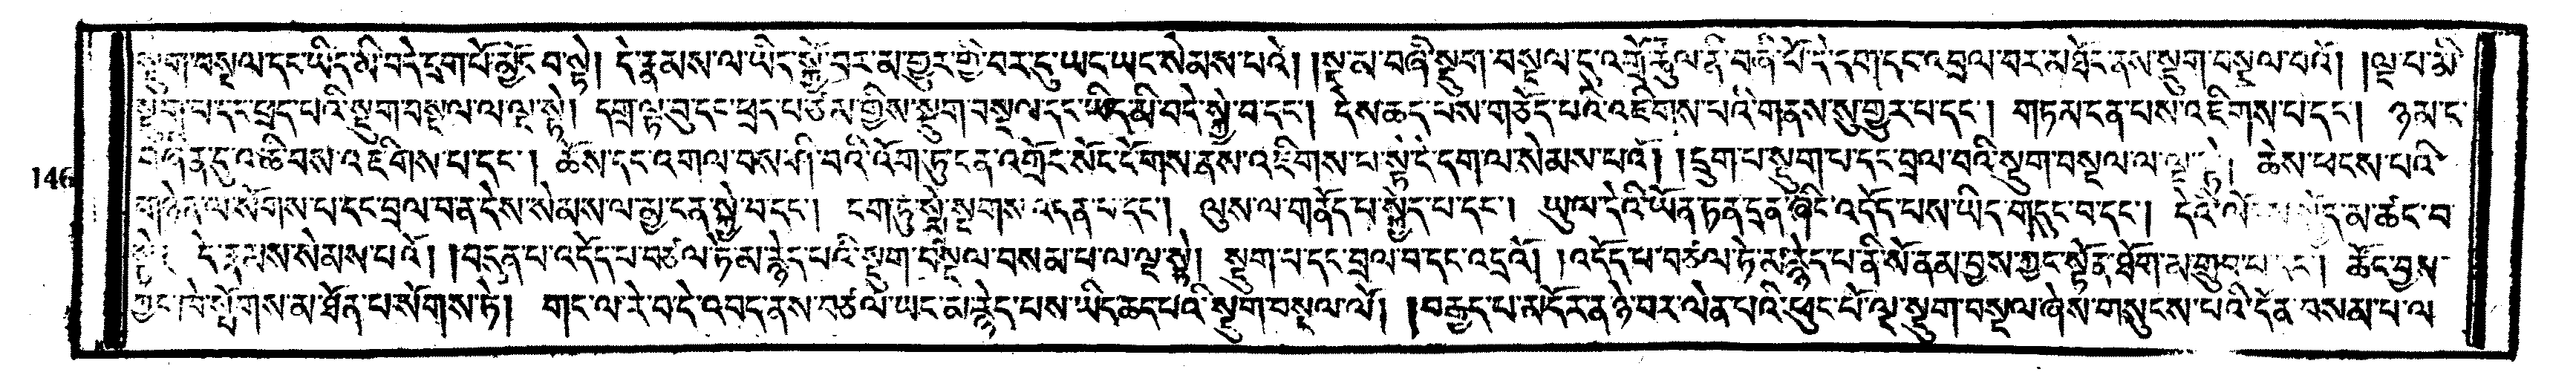སྡུག་བསྔལ་དང་ཡིད་མི་བདེ་དྲག་པོ་མྱོང་བ་སྟེ། དེ་རྣམས་ལ་ཡིད་སྐྱོ་བར་མ་གྱུར་གྱི་བར་དུ་ཡང་ཡང་སེམས་པའོ། །སྔ་མ་བཞི་སྡུག་བསྔལ་དུ་འགྲོ་ཚུལ་ནི་བཞི་པོ་དེ་དག་དང་འབྲལ་བར་མཐོང་ནས་སྡུག་བསྔལ་བའོ། །ལྔ་པ་མི་
སྡུག་པ་དང་ཕྲད་པའི་སྡུག་བསྔལ་ལ་ལྔ་སྟེ། དགྲ་ལྟ་བུ་དང་ཕྲད་པ་ཙམ་གྱིས་སྡུག་བསྔལ་དང་ཡིད་མི་བདེ་སྐྱེ་བ་དང་། དེས་ཆད་པས་གཅོད་པའི་འཇིགས་པའི་གནས་སུ་གྱུར་པ་དང་། གཏམ་ངན་པས་འཇིགས་པ་དང་། ཉམ་ང་
བཞིན་དུ་འཆི་བས་འཇིགས་པ་དང་། ཆོས་དང་འགལ་བས་ཤི་བའི་འོག་ཏུ་ངན་འགྲོང་སོང་ངོགས་ནས་འཇིགས་པ་སྟེ་དེ་དག་ལ་སེམས་པའོ། །དྲུག་པ་སྡུག་པ་དང་བྲལ་བའི་སྡུག་བསྔལ་ལ་ལྔ་སྟེ། ཆེས་ཕངས་པའི་
གཉེན་ལ་སོགས་པ་དང་བྲལ་བ་ན་དེས་སེམས་ལ་མྱ་ངན་སྐྱེ་བ་དང་། ངག་ཏུ་སྨྲེ་སྔགས་འདན་པ་དང་། ལུས་ལ་གནོད་པ་སྐྱེད་པ་དང་། ཡུལ་དེའི་ཡོན་ཏན་དྲན་ཞིང་འདོད་པས་ཡིད་གདུང་བ་དང་། དེའི་ལོངས་སྤྱོད་མ་ཚང་བ་
སྟེ༑ ༑དེ་རྣམས་སེམས་པའོ། །བདུན་པ་འདོད་པ་བཙལ་ཏེ་མ་རྙེད་པའི་སྡུག་བསྔལ་བསམ་པ་ལ་ལྔ་སྟེ། སྡུག་པ་དང་བྲལ་བ་དང་འདྲའོ། །འདོད་པ་བཙལ་ཏེ་མ་རྙེད་པ་ནི་སོ་ནམ་བྱས་ཀྱང་སྟོན་ཐོག་མ་གྲུབ་པ་དང་། ཚོང་བྱས་
ཀྱང་ཁེ་སྤོགས་མ་ཐོན་པ་སོགས་ཏེ། གང་ལ་རེ་བ་དེ་འབད་ནས་བཙལ་ཡང་མ་རྙེད་པས་ཡིད་ཆད་པའི་སྡུག་བསྔལ་ལོ། །བརྒྱད་པ་མདོར་ན་ཉེ་བར་ལེན་པའི་ཕུང་པོ་ལྔ་སྡུག་བསྔལ་ཞེས་གསུངས་པའི་དོན་བསམ་པ་ལ་